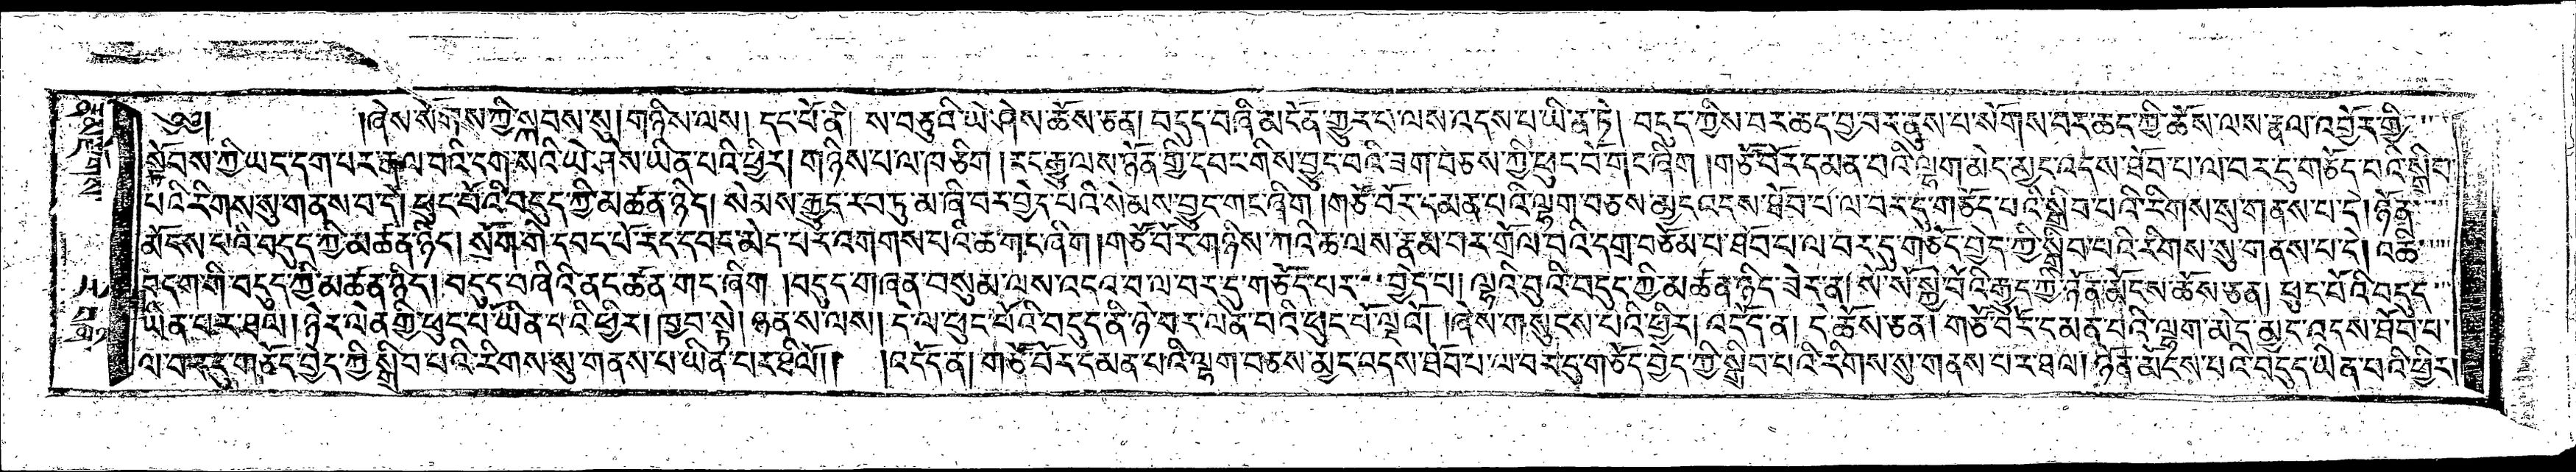༄༅། །ཞེས་སོགས་ཀྱི་སྐབས་སུ། གཉིས་ལས། དང་པོ་ནི། ས་བཅུའི་ཡེ་ཤེས་ཆོས་ཅན། བདུད་བཞི་མངོན་གྱུར་པ་ལས་འདས་པ་ཡིན་ཏེ། བདུད་ཀྱིས་བར་ཆད་བྱ་བར་ནུས་པ་སོགས་བར་ཆད་ཀྱི་ཆོས་ལས་རྣལ་འབྱོར་གྱིས། །
སྟོབས་ཀྱི་ཡང་དག་པར་རྒལ་བའི་དག་སའི་ཡེ་ཤེས་ཡིན་པའི་ཕྱིར། གཉིས་པ་ལ་ཁ་ཅིག །རང་རྒྱུ་ལས་ཉོན་གྱི་དབང་གིས་བྱུང་བའི་ཟག་བཅས་ཀྱི་ཕུང་བོ་གང་ཞིག །གཙོ་བོར་དམན་པའི་ལྷག་མེད་མྱང་འདས་ཐོབ་པ་ལ་བར་དུ་གཅོད་པའི་སྒྲིབ་
པའི་རིགས་སུ་གནས་པ་དེ། ཕུང་བོའི་བདུད་ཀྱི་མཚན་ཉིད། སེམས་རྒྱུད་རབ་ཏུ་མ་ཞི་བར་བྱེད་པའི་སེམས་བྱུང་གང་ཞིག། གཙོ་བོར་དམན་པའི་ལྷག་བཅས་མྱང་འདས་ཐོབ་པ་ལ་བར་དུ་གཅོད་པའི་སྒྲིབ་པའི་རིགས་སུ་གནས་པ་དེ། ཉོན་
མོངས་པའི་བདུད་ཀྱི་མཚན་ཉིད། སྲོག་གི་དབང་པོ་རང་དབང་མེད་པར་འགགས་པའི་ཆ་གང་ཞིག །གཙོ་བོར་གཉིས་ཀའི་ཆ་ལས་རྣམ་པར་གྲོལ་བའི་དགྲ་བཅོམ་པ་ཐོབ་པ་ལ་བར་དུ་གཅོད་བྱེད་ཀྱི་སྒྲིབ་པའི་རིགས་སུ་གནས་པ་དེ། འཆི་
བདག་གི་བདུད་ཀྱི་མཚན་ཉིད། བདུད་བཞིའི་ནང་ཚན་གང་ཞིག ། བདུད་གཞན་བསུམ་ལས་འདའ་བ་ལ་བར་དུ་གཅོད་པར་བྱེད་པ། ལྷའི་བུའི་བདུད་ཀྱི་མཚན་ཉིད་ཟེར་ན། སོ་སོ་སྐྱེ་བོའི་རྒྱུད་ཀྱི་ཉོན་མོངས་ཆོས་ཅན། ཕུང་པོའི་བདུད་
ཡིན་པར་ཐལ། ཉེར་ལེན་གྱི་ཕུང་པོ་ཡིན་པའི་ཕྱིར། ཁྱབ་སྟེ། ཉན་ས་ལས། དེ་ལ་ཕུང་པོའི་བདུད་ནི་ཉེ་བར་ལེན་པའི་ཕུང་པོ་ལྔའོ། །ཞེས་གསུངས་པའི་ཕྱིར། འདོད་ན། དེ་ཆོས་ཅན། གཙོ་བོར་དམན་པའི་ལྷག་མེད་མྱང་འདས་ཐོབ་པ་
ལ་བར་དུ་གཅོད་བྱེད་ཀྱི་སྒྲིབ་པའི་རིགས་སུ་གནས་པ་ཡིན་པར་ཐི་ལོ།། །འདོད་ན། གཙོ་བོར་དམན་པའི་ལྷག་བཅས་མྱང་འདས་ཐོབ་པ་ལ་བར་དུ་གཅོད་བྱེད་ཀྱི་སྒྲིབ་པའི་རིགས་སུ་གནས་པར་ཐལ། ཉོན་མོངས་པའི་བདུད་ཡིན་པའི་ཕྱིར།